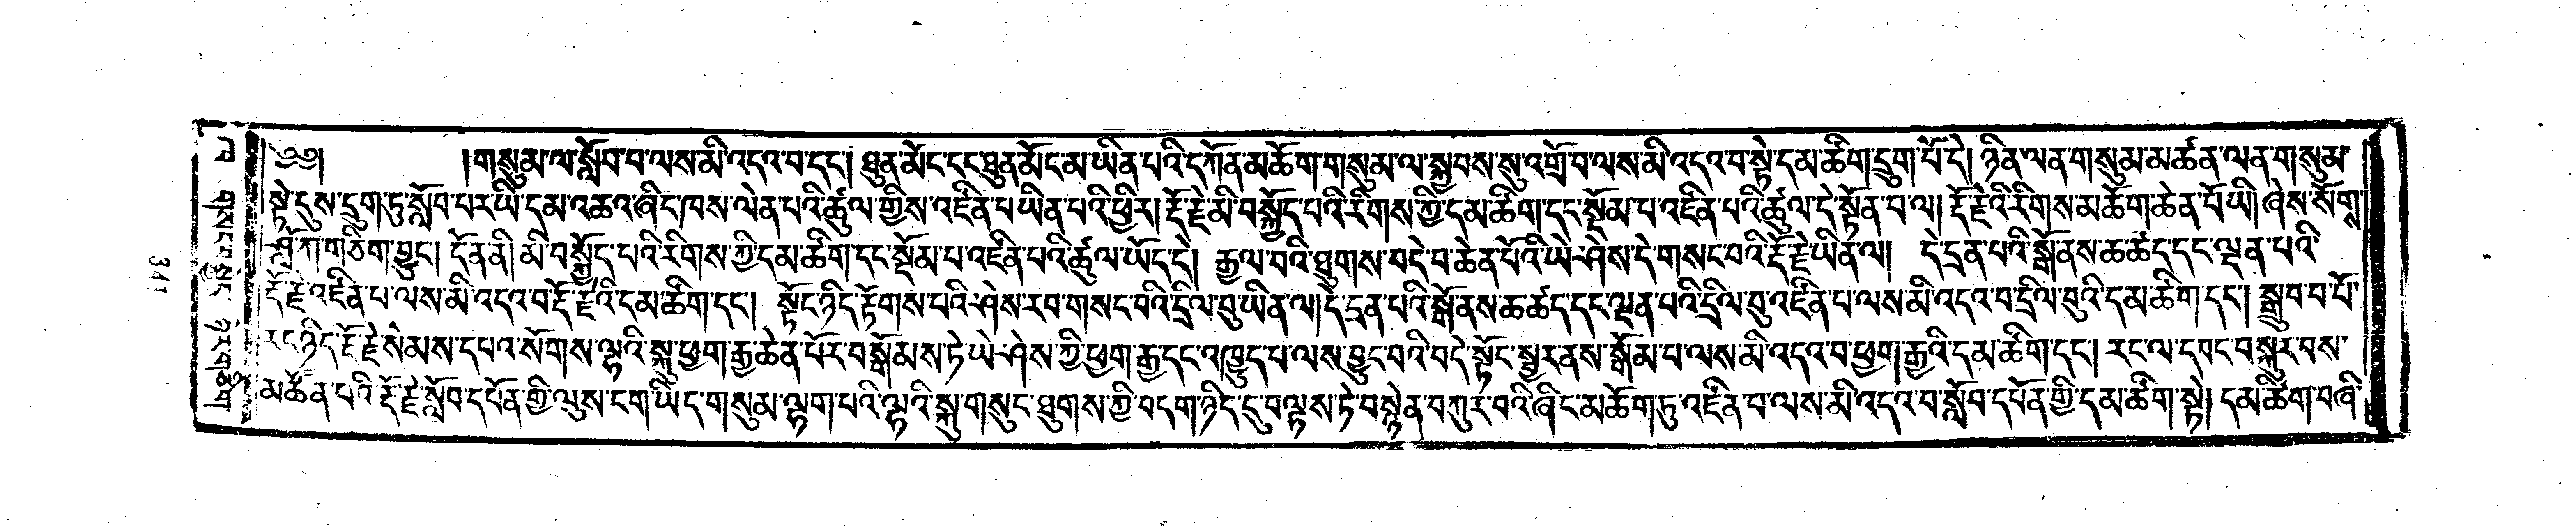༄༅། །གསུམ་ལ་སློབ་པ་ལས་མི་འདའ་བ་དང་། ཐུན་མོང་དང་ཐུན་མོང་མ་ཡིན་པའི་དཀོན་མཆོག་གསུམ་ལ་སྐྱབས་སུ་འགྲོ་བ་ལས་མི་འདའ་བ་སྟེ་དམ་ཚིག་དྲུག་པོ་དེ། ཉིན་ལན་གསུམ་མཚན་ལན་གསུམ་
སྟེ་དུས་དྲུག་ཏུ་སློབ་པར་ཡི་དམ་འཆའ་ཞིང་ཁས་ལེན་པའི་ཚུལ་གྱིས་འཛིན་པ་ཡིན་པའི་ཕྱིར། རྡོ་རྗེ་མི་བསྐྱོད་པའི་རིགས་ཀྱི་དམ་ཚིག་དང་སྡོམ་པ་འཛིན་པའི་ཚུལ་དེ་སྟོན་པ་ལ། རྡོ་རྗེའི་རིགས་མཆོག་ཆེན་པོ་ཡི། ཞེས་སོགས་
ཤློ་ཀ་གཅིག་བྱུང་། དོན་ནི། མི་བསྐྱོད་པའི་རིགས་ཀྱི་དམ་ཚིག་དང་སྡོམ་པ་འཛིན་པའི་ཚུལ་ཡོད་དེ། རྒྱལ་བའི་ཐུགས་བདེ་བ་ཆེན་པོའི་ཡེ་ཤེས་དེ་གསང་བའི་རྡོ་རྗེ་ཡིན་ལ། དེ་དྲན་པའི་སྒོ་ནས་ཆ་ཚད་དང་ལྡན་པའི་
རྡོ་རྗེ་འཛིན་པ་ལས་མི་འདའ་བ་རྡོ་རྗེའི་དམ་ཚིག་དང་། སྟོང་ཉིད་རྟོགས་པའི་ཤེས་རབ་གསང་བའི་དྲིལ་བུ་ཡིན་ལ། དེ་དྲན་པའི་སྒོ་ནས་ཆ་ཚད་དང་ལྡན་པའི་དྲིལ་བུ་འཛིན་པ་ལས་མི་འདའ་བ་དྲིལ་བུའི་དམ་ཚིག་དང་། སྒྲུབ་པ་པོ་
རང་ཉིད་རྡོ་རྗེ་སེམས་དཔའ་སོགས་ལྷའི་སྐུ་ཕྱག་རྒྱ་ཆེན་པོར་བསྒོམས་ཏེ་ཡེ་ཤེས་ཀྱི་ཕྱག་རྒྱ་དང་འཁྱུད་པ་ལས་བྱུང་བའི་བདེ་སྟོང་སྦྱར་ནས་སྒོམ་པ་ལས་མི་འདའ་བ་ཕྱག་རྒྱའི་དམ་ཚིག་དང་། རང་ལ་དབང་བསྐུར་བས་
མཚོན་པའི་རྡོ་རྗེ་སློབ་དཔོན་གྱི་ལུས་ངག་ཡིད་གསུམ་ལྷག་པའི་ལྷའི་སྐུ་གསུང་ཐུགས་ཀྱི་བདག་ཉིད་དུ་བལྟས་ཏེ་བསྙེན་བཀུར་བའི་ཞིང་མཆོག་ཏུ་འཛིན་པ་ལས་མི་འདའ་བ་སློབ་དཔོན་གྱི་དམ་ཚིག་སྟེ། དམ་ཚིག་བཞི་